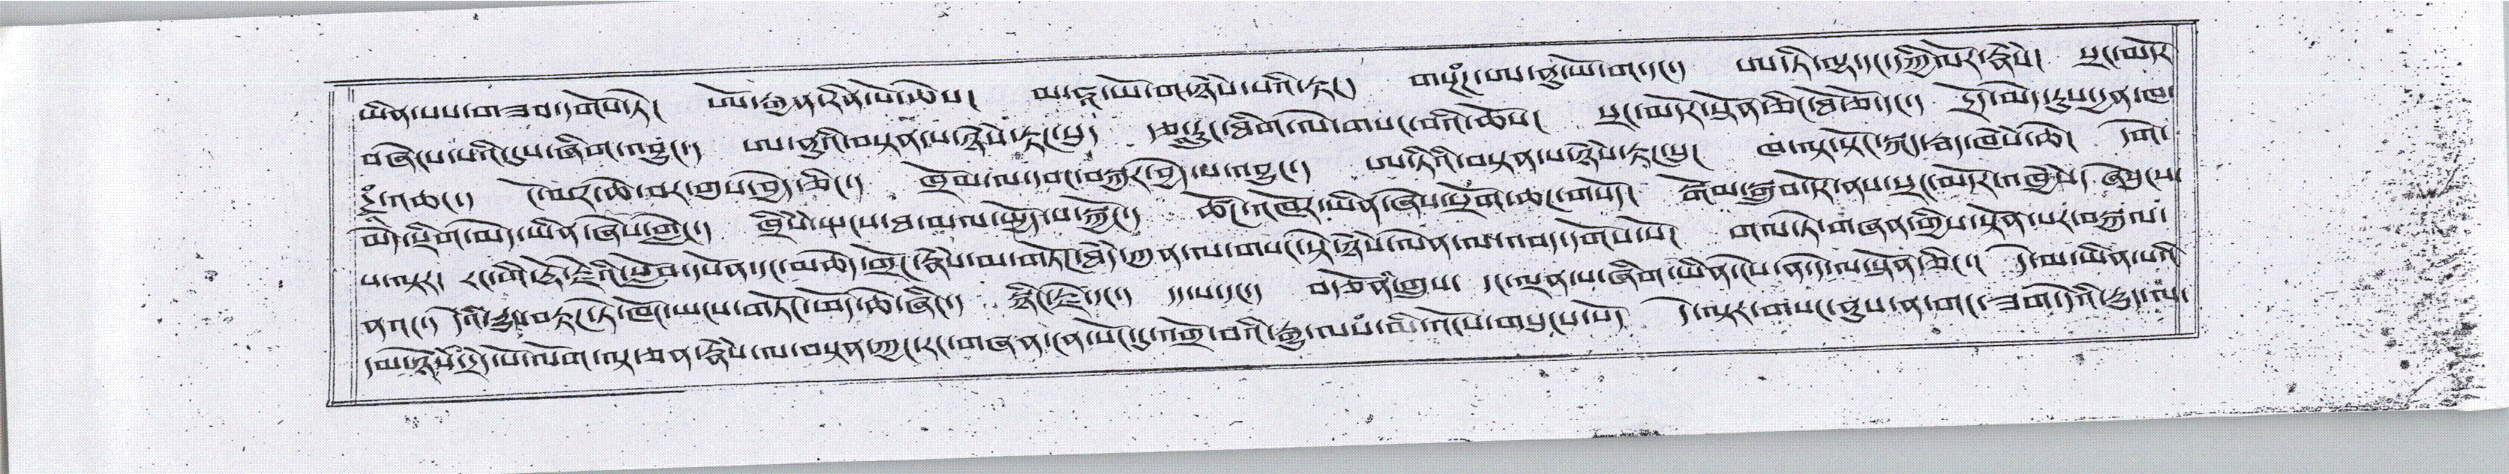ཡིན་པས་གཟབ་དགོས་ཏེ། ཨོ་རྒྱན་རིན་པོ་ཆེས། མ་ཧཱ་ཡོ་ག་ཉམས་པའི་རྟགས། གསང་སྔགས་ཨ་ཏི་ཡོ་ག་དང་། ཨ་ཏི་ལྷ་དང་དཀྱིལ་འཁོར་རྣམས། སྲང་མདོར་
བཞེངས་པའི་དུས་ཤིག་འབྱུང་། ཨ་ནུའི་བསྟན་པ་ཉམས་རྟགས་སུ། རྩ་རླུང་ཐིག་ལེ་གསང་བའི་ཆོས། སྲང་མདོར་སྟོན་ཅིང་ཐོ་ཅོ་དང་། དྲོད་མེད་རུས་རྒྱན་ཁ་
ཊཾ་འཆང་། ངོ་མཚར་ཆེ་བར་གུས་བྱེད་ཅིང་། ཁྲོམ་ལ་དབང་སྐུར་བྱེད་པ་འབྱུང་། ཨ་ཏིའི་བསྟན་པ་ཉམས་རྟགས་སུ། ཁ་ལྟ་སྟོང་སྐད་རྦད་ཁམས་ཆེ། དགེ་
མེད་སྡིག་མེད་ཡིན་ཞེས་གླེང་། ཁྲིམས་སྤང་ཐ་མལ་སྤྱོད་པ་སྐྱོང་། ཚོགས་འཁོར་ཡིན་ཞེས་སྲོག་ཆགས་གསོད། སྒོམ་སྒྲུབ་དོར་ནས་གསང་མདོར་འཁྱམས། ཞེས་གསུངས་
པ་ལྟར། རང་གི་རྡོ་རྗེའི་སློབ་དཔོན་དང་མཆེད་གྲོགས་རྣམས་མ་གཏོགས་ཐམས་ཅད་ཀུན་ལ་གསང་སྟེ་ཉམས་ལེན་ལ་འབད་དགོས་སོ། གལ་ཏེ་གཞན་གྱིས་སྟོན་པར་བསྐུལ་
ནའང་། དེའི་རྒྱུས་བཏགས་ཏེ་ཁོང་ཡངས་གཏོང་ཕོད་ཆེ་ཞིང་། སྙིང་རྗེ་དང་དད་པ་དང་བརྩོན་འགྲུས་དང་ལྡན་པ་ཡིན་ངེས་ན་དེ་ལ་སྟོན་ཅིང་། དེ་མ་ཡིན་པའི་
དམ་ཉམས་དྲེད་པོ་ལོག་ལྟ་ཅན་རྣམས་ལ་བསྟན་ཀྱང་རང་གཞན་ངན་སོང་དུ་འགྲོ་བའི་རྒྱུ་ལས་མི་འོིངས་གསུངས་སོ། དེ་ལྟར་གསང་ནུས་ན་གང་ཟག་དེའི་རྒྱུད་ལ་